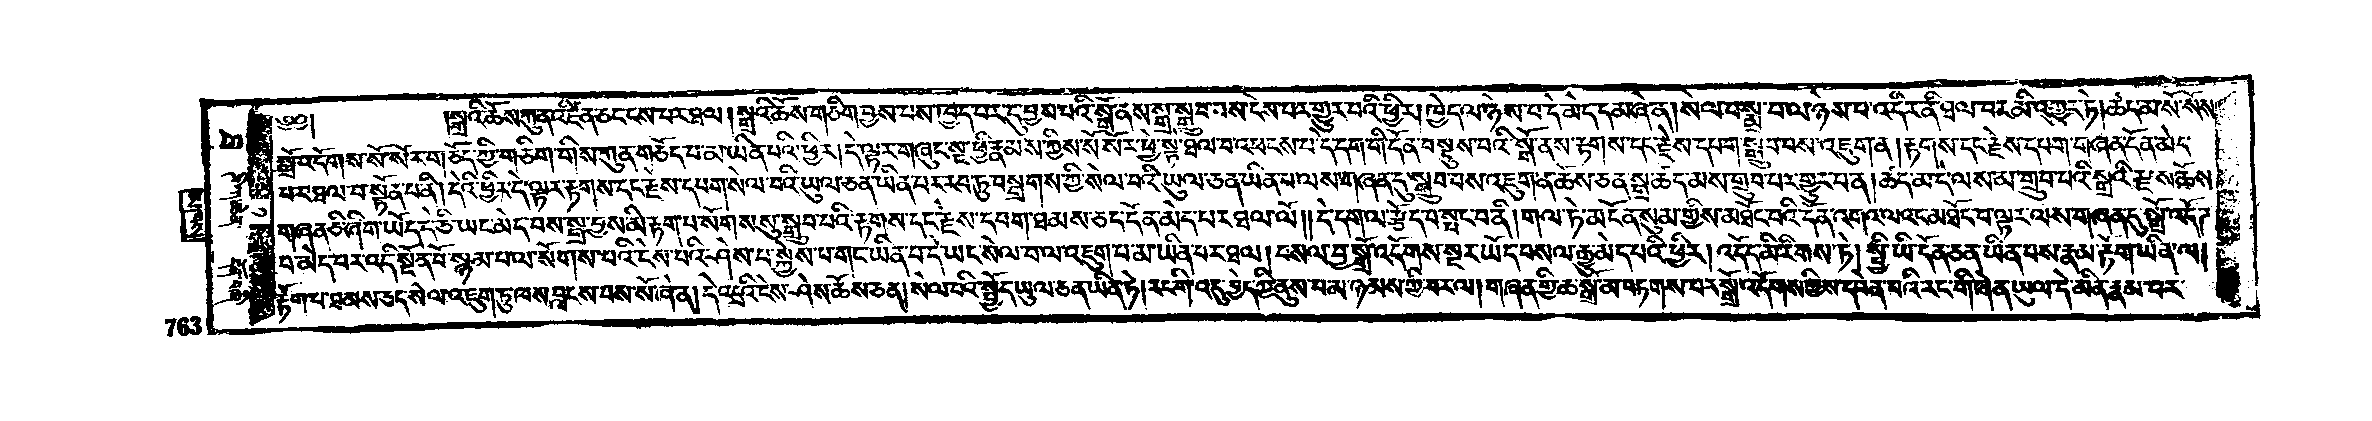༄༅། །སྒྲའི་ཆོས་ཀུན་འཛིན་ཅིང་ངེས་པར་ཐལ། སྒྲའི་ཆོས་གཅིག་བྱས་པས་ཁྱད་པར་དུ་བྱས་པའི་སྒོ་ནས་སྒྲ་སྒྲུབ་པས་ངེས་པར་གྱུར་པའི་ཕྱིར། ཁྱེད་ལ་ཉེས་པ་དེ་མེད་དམ་ཞེ་ན། སེལ་བ་སྨྲ་བ་ལ་ཉེས་པ་འདིར་ནི་ཐལ་བར་མི་འགྱུར་ཏེ། ཚད་མ་སོ་སོས་
སྒྲོ་འདོགས་སོ་སོར་གཅོད་ཀྱི་གཅིག་གིས་ཀུན་གཅོད་པ་མ་ཡིན་པའི་ཕྱིར། དེ་ལྟར་གཞུང་སྔ་ཕྱི་རྣམས་ཀྱིས་སོ་སོར་ཕྱེ་སྟེ་ཐལ་བ་འཕངས་པ་དེ་དག་གི་དོན་བསྡུས་པའི་སྒོ་ནས་རྟགས་དང་རྗེས་དཔག་སྒྲུབ་པས་འཇུག་ན། རྟགས་དང་རྗེས་དཔག་གཞན་དོན་མེད་
པར་ཐལ་བ་སྟོན་པ་ནི། དེའི་ཕྱིར་དེ་ལྟར་རྟགས་དང་རྗེས་དཔག་སེལ་བའི་ཡུལ་ཅན་ཡིན་པར་རབ་ཏུ་བསྒྲགས་ཀྱི་སེལ་བའི་ཡུལ་ཅན་ཡིན་པ་ལས་གཞན་དུ་སྒྲུབ་པས་འཇུག་ན་ཆོས་ཅན་སྒྲ་ཚད་མས་གྲུབ་པར་གྱུར་པ་ན། ཚད་མ་དེ་ལས་མ་གྲུབ་པའི་སྒྲའི་རྫས་ཆོས་
གཞན་ཅི་ཞིག་ཡོད་དེ་ཅི་ཡང་མེད་པས་སྒྲ་བྱས་མི་རྟག་པ་སོགས་སུ་སྒྲུབ་པའི་རྟགས་དང་རྗེས་དཔག་ཐམས་ཅད་དོན་མེད་པར་ཐལ་ལོ། །དེ་དག་ལ་རྩོད་པ་སྤང་བ་ནི། གལ་ཏེ་མངོན་སུམ་གྱིས་མཐོང་བའི་དོན་འགའ་ལའང་མཐོང་བ་ལྟར་ལས་གཞན་དུ་སྒྲོ་འདོགས་
བ་མེད་པར་འདི་སྔོན་པོ་སྙམ་པ་ལ་སོགས་པའི་ངེས་པའི་ཤེས་པ་སྐྱེས་པ་གང་ཡིན་པ་དེ་ཡང་སེལ་བ་ལ་འཇུག་པ་མ་ཡིན་པར་ཐལ། བསལ་བྱ་སྒྲོ་འདོགས་སྔར་ཡོད་བསལ་རྒྱུ་མེད་པའི་ཕྱིར། འདོད་མི་རིགས་ཏེ། སྤྱི་ཡི་དོན་ཅན་ཡིན་པས་རྣམ་རྟོག་ཡིན་ལ།
རྟོག་པ་ཐམས་ཅད་སེལ་འཇུག་ཏུ་ཁས་བླངས་པས་སོ་ཞེ་ན། དེ་འདྲའི་ངེས་ཤེས་ཆོས་ཅན། སེལ་བའི་སྤྱོད་ཡུལ་ཅན་ཡིན་ཏེ། རང་གི་འདུ་བྱེད་ཀྱི་ནུས་པ་མ་ཉམས་ཀྱི་བར་ལ། གཞན་གྱི་ཆ་སྒྲོ་མ་བཏགས་པར་སྒྲོ་འདོགས་ཀྱིས་དབེན་པའི་རྣག་གི་ཞེན་ཡུལ་དེ་མིན་རྣམ་པར་